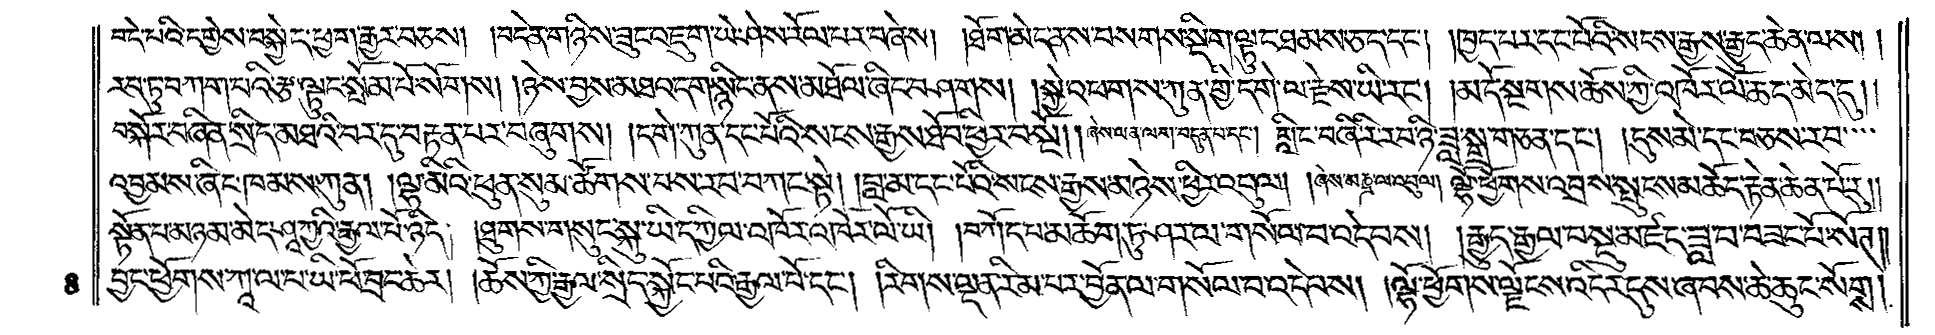བདེ་པའི་དགྱེས་བསྐྱེད་ཕྱག་རྒྱར་བཅས། །བདེན་གཉིས་ཟུང་འཇུག་ཡེ་ཤེས་རོལ་པར་བཞེས། །ཐོག་མེད་ནས་བསགས་སྡིག་ལྟུང་ཐམས་ཅད་དང་། །ཁྱད་པར་དང་པོའི་སངས་རྒྱས་རྒྱུད་ཆེན་ལས། །
རབ་ཏུ་བཀག་པའི་རྩ་ལྟུང་སྤོམ་པོ་སོགས། །ཉེས་བྱས་མཐའ་དག་སྙིང་ནས་མཐོལ་ཞིང་བཤགས། །སྐྱེ་འཕགས་ཀུན་གྱི་དགེ་ལ་རྗེས་ཡི་རང་། །མདོ་སྔགས་ཆོས་ཀྱི་འཁོར་ལོ་ཆད་མེད་དུ།།
བསྐོར་བཞིན་སྲིད་མཐའི་བར་དུ་བརྟན་པར་བཞུགས། །དགེ་ཀུན་དང་པོའི་སངས་རྒྱས་ཐོབ་ཕྱིར་བསྔོ། །ཞེས་ལན་ལག་བདུན་པ་དང་།  གླིང་བཞི་རི་རབ་ཉི་ཟླ་སྒྲ་གཅན་དང་། །དུས་མེ་དང་བཅས་རབ་
འབྱམས་ཞིང་ཁམས་ཀུན། །ལྷ་མིའི་ཕུན་སུམ་ཚོགས་པས་རབ་བཀང་སྟེ། །བླ་མ་དང་པོའི་སངས་རྒྱས་མཉེས་ཕྱིར་འབུལ། །ཞེས་མཎྜལ་འབུལ།  ལྷོ་ཕྱོགས་འབྲས་སྤུངས་མཆོད་རྟེན་ཆེན་པོ་རུ།།
སྟོན་པ་མཉམ་མེད་ཤཱཀྱའི་རྒྱལ་པོ་ཉིད། །ཐུགས་གསུང་སྐུ་ཡི་དཀྱིལ་འཁོར་འཁོར་ལོ་ཡི། །བཀོད་པ་མཆོག་ཏུ་ཤར་ལ་གསོལ་བ་འདེབས། །རྒྱུད་རྒྱལ་བསྡུ་མཛད་ཟླ་བ་བཟང་པོ་སོགས།།
བྱང་ཕྱོགས་ཀཱ་ལ་པ་ཡི་ཕོ་བྲང་ཆེར། །ཆོས་ཀྱི་རྒྱལ་སྲིད་སྐྱོང་པའི་རྒྱལ་པོ་དང་། །རིགས་ལྡན་རིམ་པར་བྱོན་ལ་གསོལ་བ་འདེབས། །ལྷོ་ཕྱོགས་ལྗོངས་འདིར་དུས་ཞབས་ཆེ་ཆུང་སོགས།